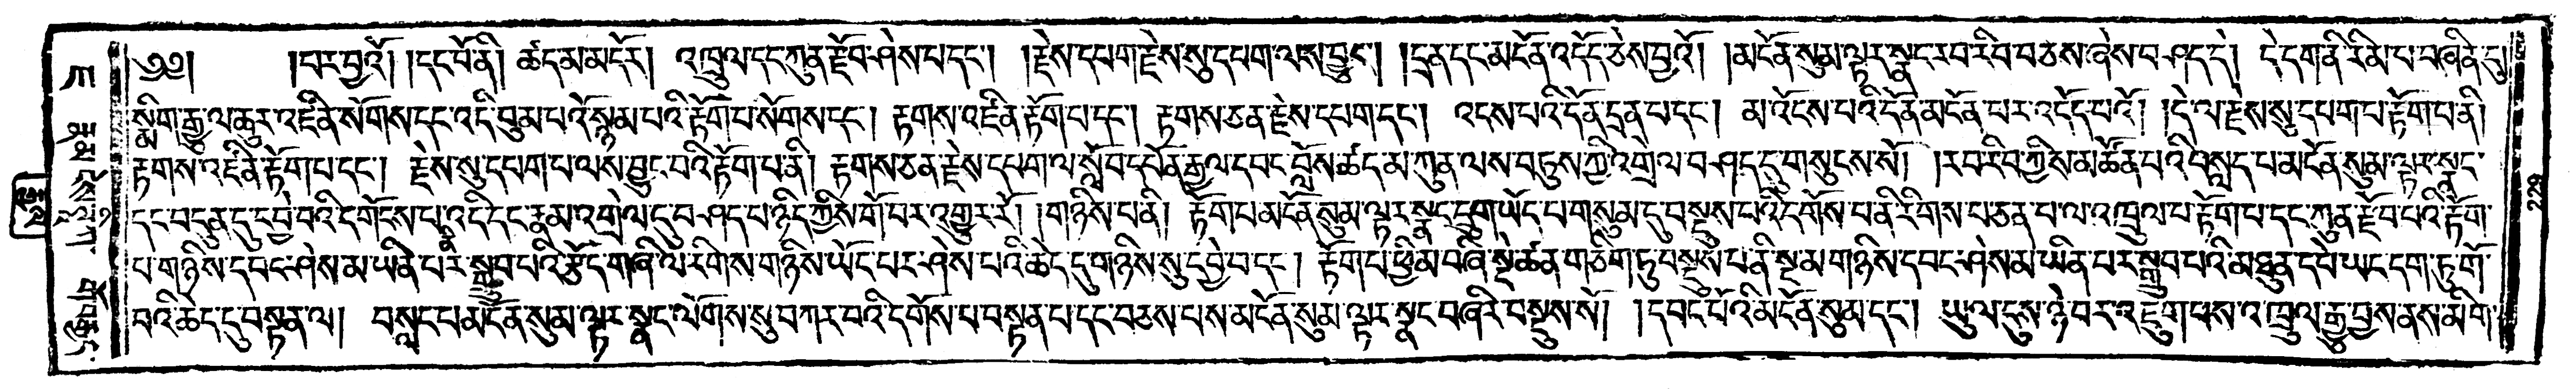༄༅། །པར་བྱའོ། །དང་པོ་ནི། ཚད་མ་མདོར། འཁྲུལ་དང་ཀུན་རྫོབ་ཤེས་པ་དང་། །རྗེས་དཔག་རྗེས་སུ་དཔག་ལས་བྱུང་། །དྲན་དང་མངོན་འདོད་ཅེས་བྱའོ། །མངོན་སུམ་ལྟར་སྣང་རབ་རིབ་བཅས་ཞེས་བཤད་དེ། དེ་དག་ནི་རིམ་པ་བཞིན་དུ།
སྨིག་རྒྱུ་ལ་ཆུར་འཛིན་སོགས་དང་འདི་བུམ་པའོ་སྙམ་པའི་རྟོག་པ་སོགས་དང་། རྟགས་འཛིན་རྟོག་པ་དང་། རྟགས་ཅན་རྗེས་དཔག་དང་། འདས་པའི་དོན་དྲན་པ་དང་། མ་འོངས་པའི་དོན་མངོན་པར་འདོད་པའོ། །དེ་ལ་རྗེས་སུ་དཔག་པ་རྟོག་པ་ནི།
རྟགས་འཛིན་རྟོག་པ་དང་། རྗེས་སུ་དཔག་པ་ལས་བྱུང་བའི་རྟོག་པ་ནི། རྟགས་ཅན་རྗེས་དཔག་ལ་སློབ་དཔོན་རྒྱལ་དབང་བློས་ཚད་མ་ཀུན་ལས་བཏུས་ཀྱི་འགྲེལ་བཤད་དུ་གསུངས་སོ། །རབ་རིབ་ཀྱིས་མཚོན་པའི་བསླད་པ་མངོན་སུམ་ལྟར་སྣང་
དང་བདུན་དུ་དབྱེ་བའི་དགོངས་པ་ནི་འདི་དང་རྣམ་འགྲེལ་དུ་བཤད་པ་ཉིད་ཀྱིས་གོ་བར་འགྱུར་རོ། །གཉིས་པ་ནི། རྟོག་པ་མངོན་སུམ་ལྟར་སྣང་དྲུག་ཡོད་པ་གསུམ་དུ་བསྡུས་པའི་དགོས་པ་ནི་རིགས་པ་ཅན་པ་ལ་འཁྲུལ་པ་རྟོག་པ་དང་ཀུན་རྫོབ་པའི་རྟོག་
པ་གཉིས་དབང་ཤེས་མ་ཡིན་པར་སྒྲུབ་པའི་རྩོད་གཞི་ལ་རིགས་གཉིས་ཡོད་པར་ཤེས་པའི་ཆེད་དུ་གཉིས་སུ་དབྱེ་བ་དང་། རྟོག་པ་ཕྱི་མ་བཞི་སྡེ་ཚན་གཅིག་ཏུ་བསྡུས་པ་ནི་སྔ་མ་གཉིས་དབང་ཤེས་མ་ཡིན་པར་སྒྲུབ་པའི་མཐུན་དཔེ་ཡང་དག་ཏུ་གོ་
བའི་ཆེད་དུ་བསྟན་ལ། བསླང་པ་མངོན་སུམ་ལྟར་སྣང་ལོགས་སུ་བཀར་བའི་དགོས་པ་བསྟན་པ་དང་བཅས་པས་མངོན་སུམ་ལྟར་སྣང་བཞིར་བསྡུས་སོ། །དབང་པོའི་མངོན་སུམ་དང་། ཡུལ་དུས་ཉེ་བར་འཇུག་པས་འཁྲུལ་རྒྱུ་བྱས་ནས་མིག་